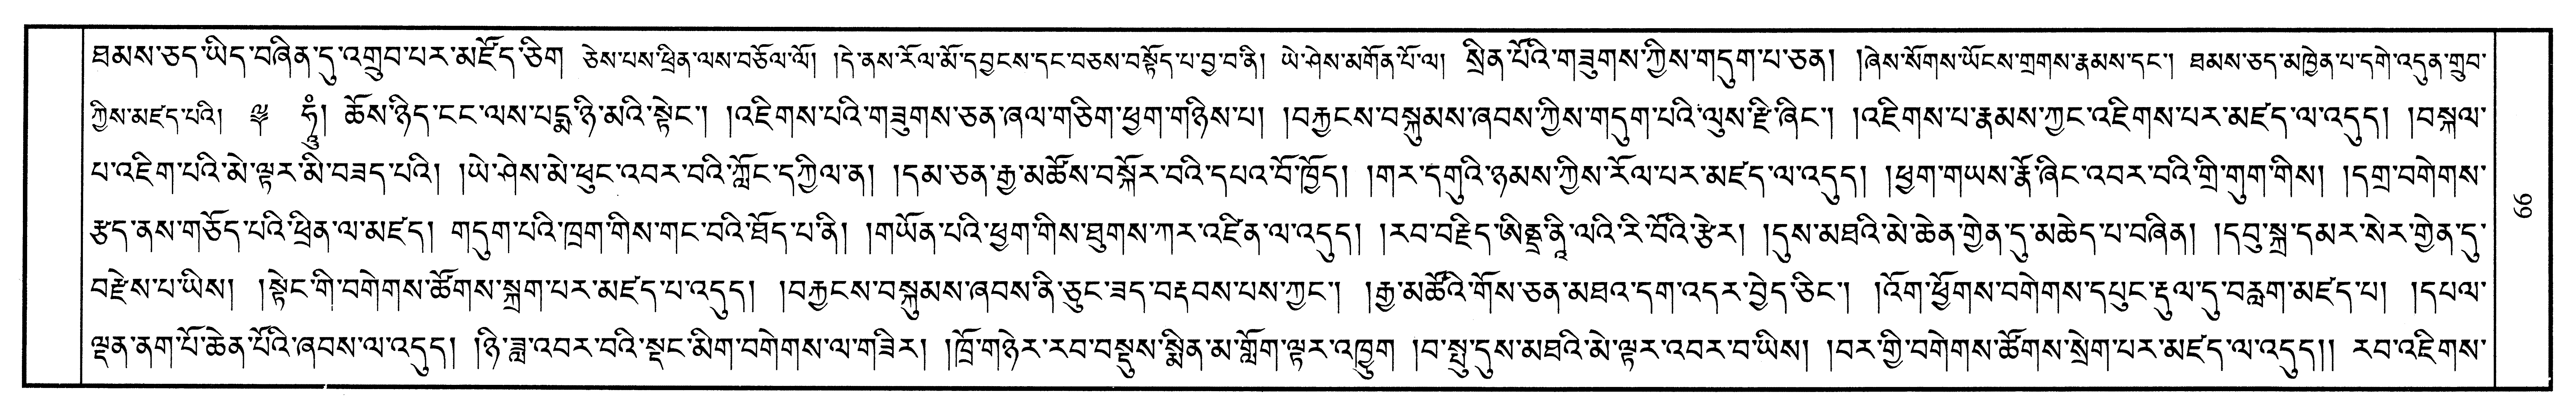ཐམས་ཅད་ཡིད་བཞིན་དུ་འགྲུབ་པར་མཛོད་ཅིག །ཅེས་པས་ཕྲིན་ལས་བཅོལ་ལོ། །དེ་ནས་རོལ་མོ་དབྱངས་དང་བཅས་བསྟོད་པ་བྱ་བ་ནི། ཡེ་ཤེས་མགོན་པོ་ལ། སྲིན་པོའི་གཟུགས་ཀྱིས་གདུག་པ་ཅན། །ཞེས་སོགས་ཡོངས་གྲགས་རྣམས་དང་། ཐམས་ཅད་མཁྱེན་པ་དགེ་འདུན་གྲུབ་
ཀྱིས་མཛད་པའི། ༈ ཧཱུཾ། ཆོས་ཉིད་ངང་ལས་པདམ་ཉི་མའི་སྟེང་། །འཇིགས་པའི་གཟུགས་ཅན་ཞལ་གཅིག་ཕྱག་གཉིས་པ། །བརྐྱངས་བསྐུམས་ཞབས་ཀྱིས་གདུག་པའི་ལུས་རྫི་ཞིང་། །འཇིགས་པ་རྣམས་ཀྱང་འཇིགས་པར་མཛད་ལ་འདུད། །བསྐལ་
པ་འཇིག་པའི་མེ་ལྟར་མི་བཟད་པའི། །ཡེ་ཤེས་མེ་ཕུང་འབར་བའི་ཀློང་དཀྱིལ་ན། །དམ་ཅན་རྒྱ་མཚོས་བསྐོར་བའི་དཔའ་བོ་ཁྱོད། །གར་དགུའི་ཉམས་ཀྱིས་རོལ་པར་མཛད་ལ་འདུད། །ཕྱག་གཡས་རྣོ་ཞིང་འབར་བའི་གྲི་གུག་གིས། །དགྲ་བགེགས་
རྩད་ནས་གཅོད་པའི་ཕྲིན་ལ་མཛད། གདུག་པའི་ཁྲག་གིས་གང་བའི་ཐོད་པ་ནི། །གཡོན་པའི་ཕྱག་གིས་ཐུགས་ཀར་འཛིན་ལ་འདུད། །རབ་བརྗིད་ཨིནྡྲ་ནཱི་ལའི་རི་བོའི་རྩེར། །དུས་མཐའི་མེ་ཆེན་གྱེན་དུ་མཆེད་པ་བཞིན། །དབུ་སྐྲ་དམར་སེར་གྱེན་དུ་
བརྫེས་པ་ཡིས། །སྟེང་གི་བགེགས་ཚོགས་སྐྲག་པར་མཛད་པ་འདུད། །བརྐྱངས་བསྐུམས་ཞབས་ནི་ཅུང་ཟད་བརྡབས་པས་ཀྱང་། །རྒྱ་མཚོའི་གོས་ཅན་མཐའ་དག་འདར་བྱེད་ཅིང་། །འོག་ཕྱོགས་བགེགས་དཔུང་རྡུལ་དུ་བརླག་མཛད་པ། །དཔལ་
ལྡན་ནག་པོ་ཆེན་པོའི་ཞབས་ལ་འདུད། །ཉི་ཟླ་འབར་བའི་སྡང་མིག་བགེགས་ལ་གཟིར། །ཁྲོ་གཉེར་རབ་བསྡུས་སྨིན་མ་གློག་ལྟར་འཁྱུག །བ་སྤུ་དུས་མཐའི་མེ་ལྟར་འབར་བ་ཡིས། །བར་གྱི་བགེགས་ཚོགས་སྲེག་པར་མཛད་ལ་འདུད། །རབ་འཇིགས་